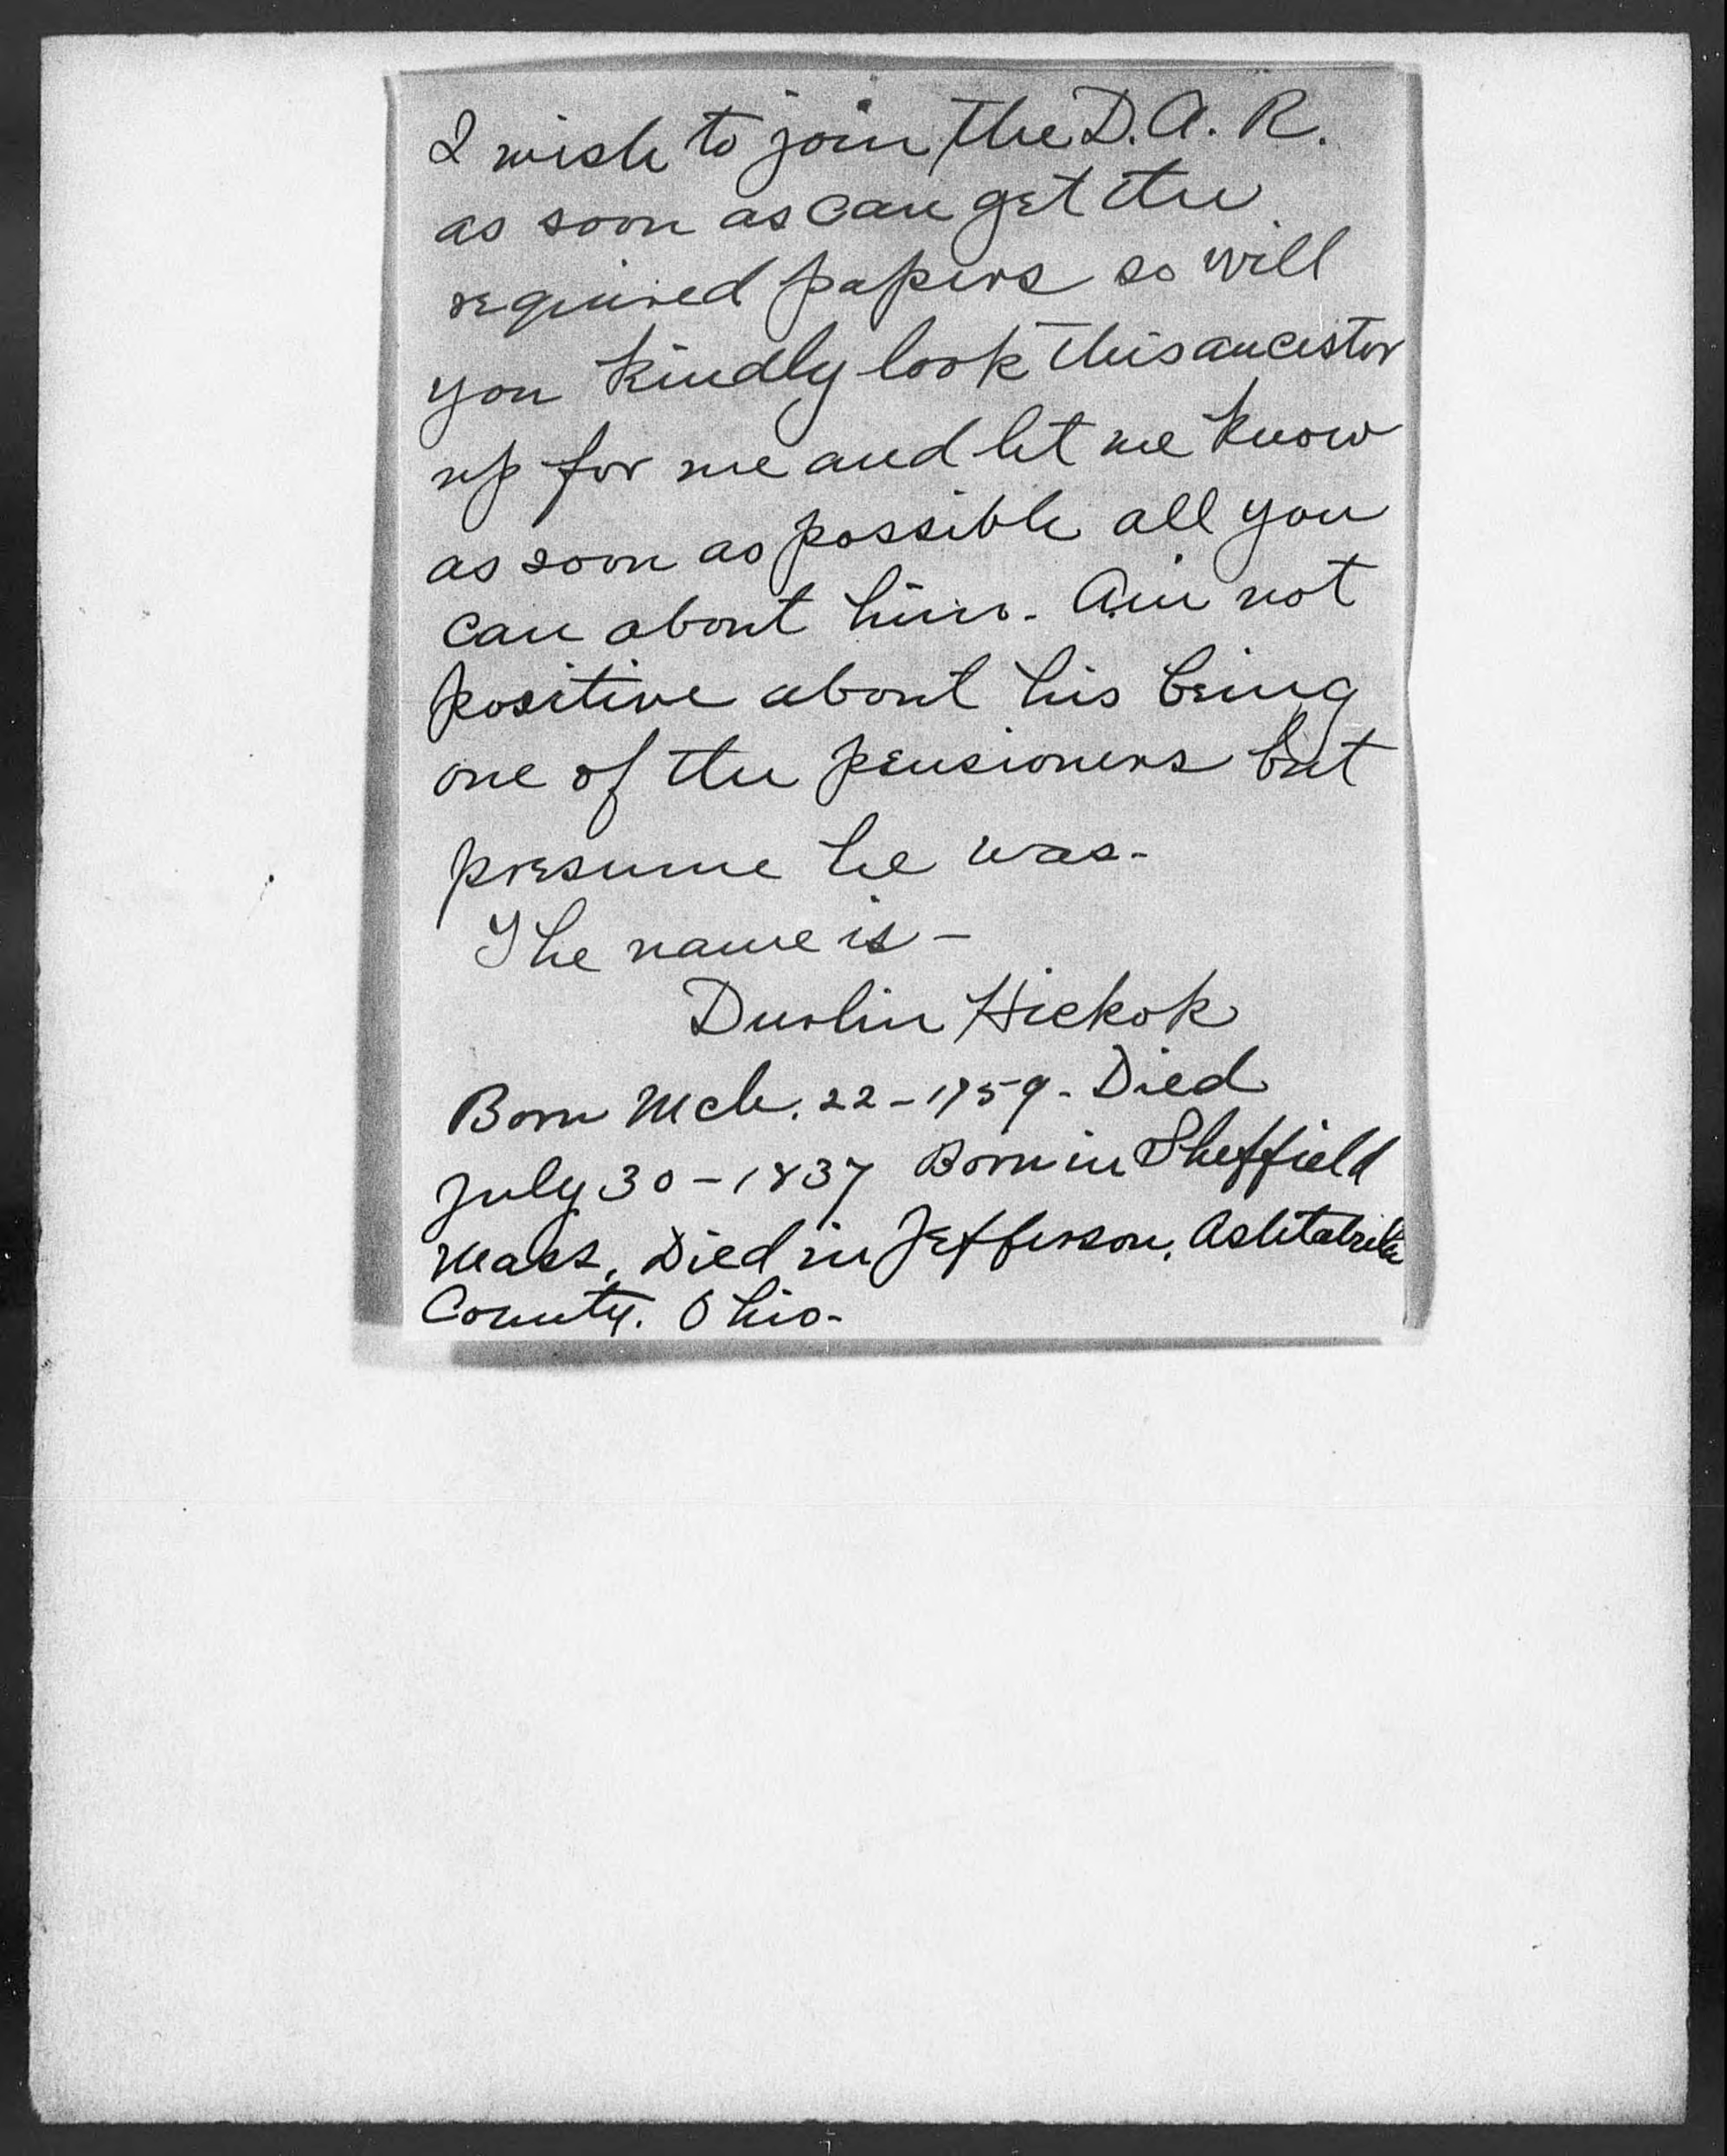I wish to join the D.A.R. as soon as can get the required papers so will you kindly look this ancestor up for me and let me know as soon as possible all you can about him. Am not positive about his being one of the pensioners but presume he was.
The name is -
Durlin Hickok
Born Mch. 22 - 1759. Died July 30 - 1837 Born in Sheffield Mass. Died in Jefferson, Ashtabula County, Ohio.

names: Durlin Hickok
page: 44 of 45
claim: widow's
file: W. 4988, Durlin Hickok, Mass.